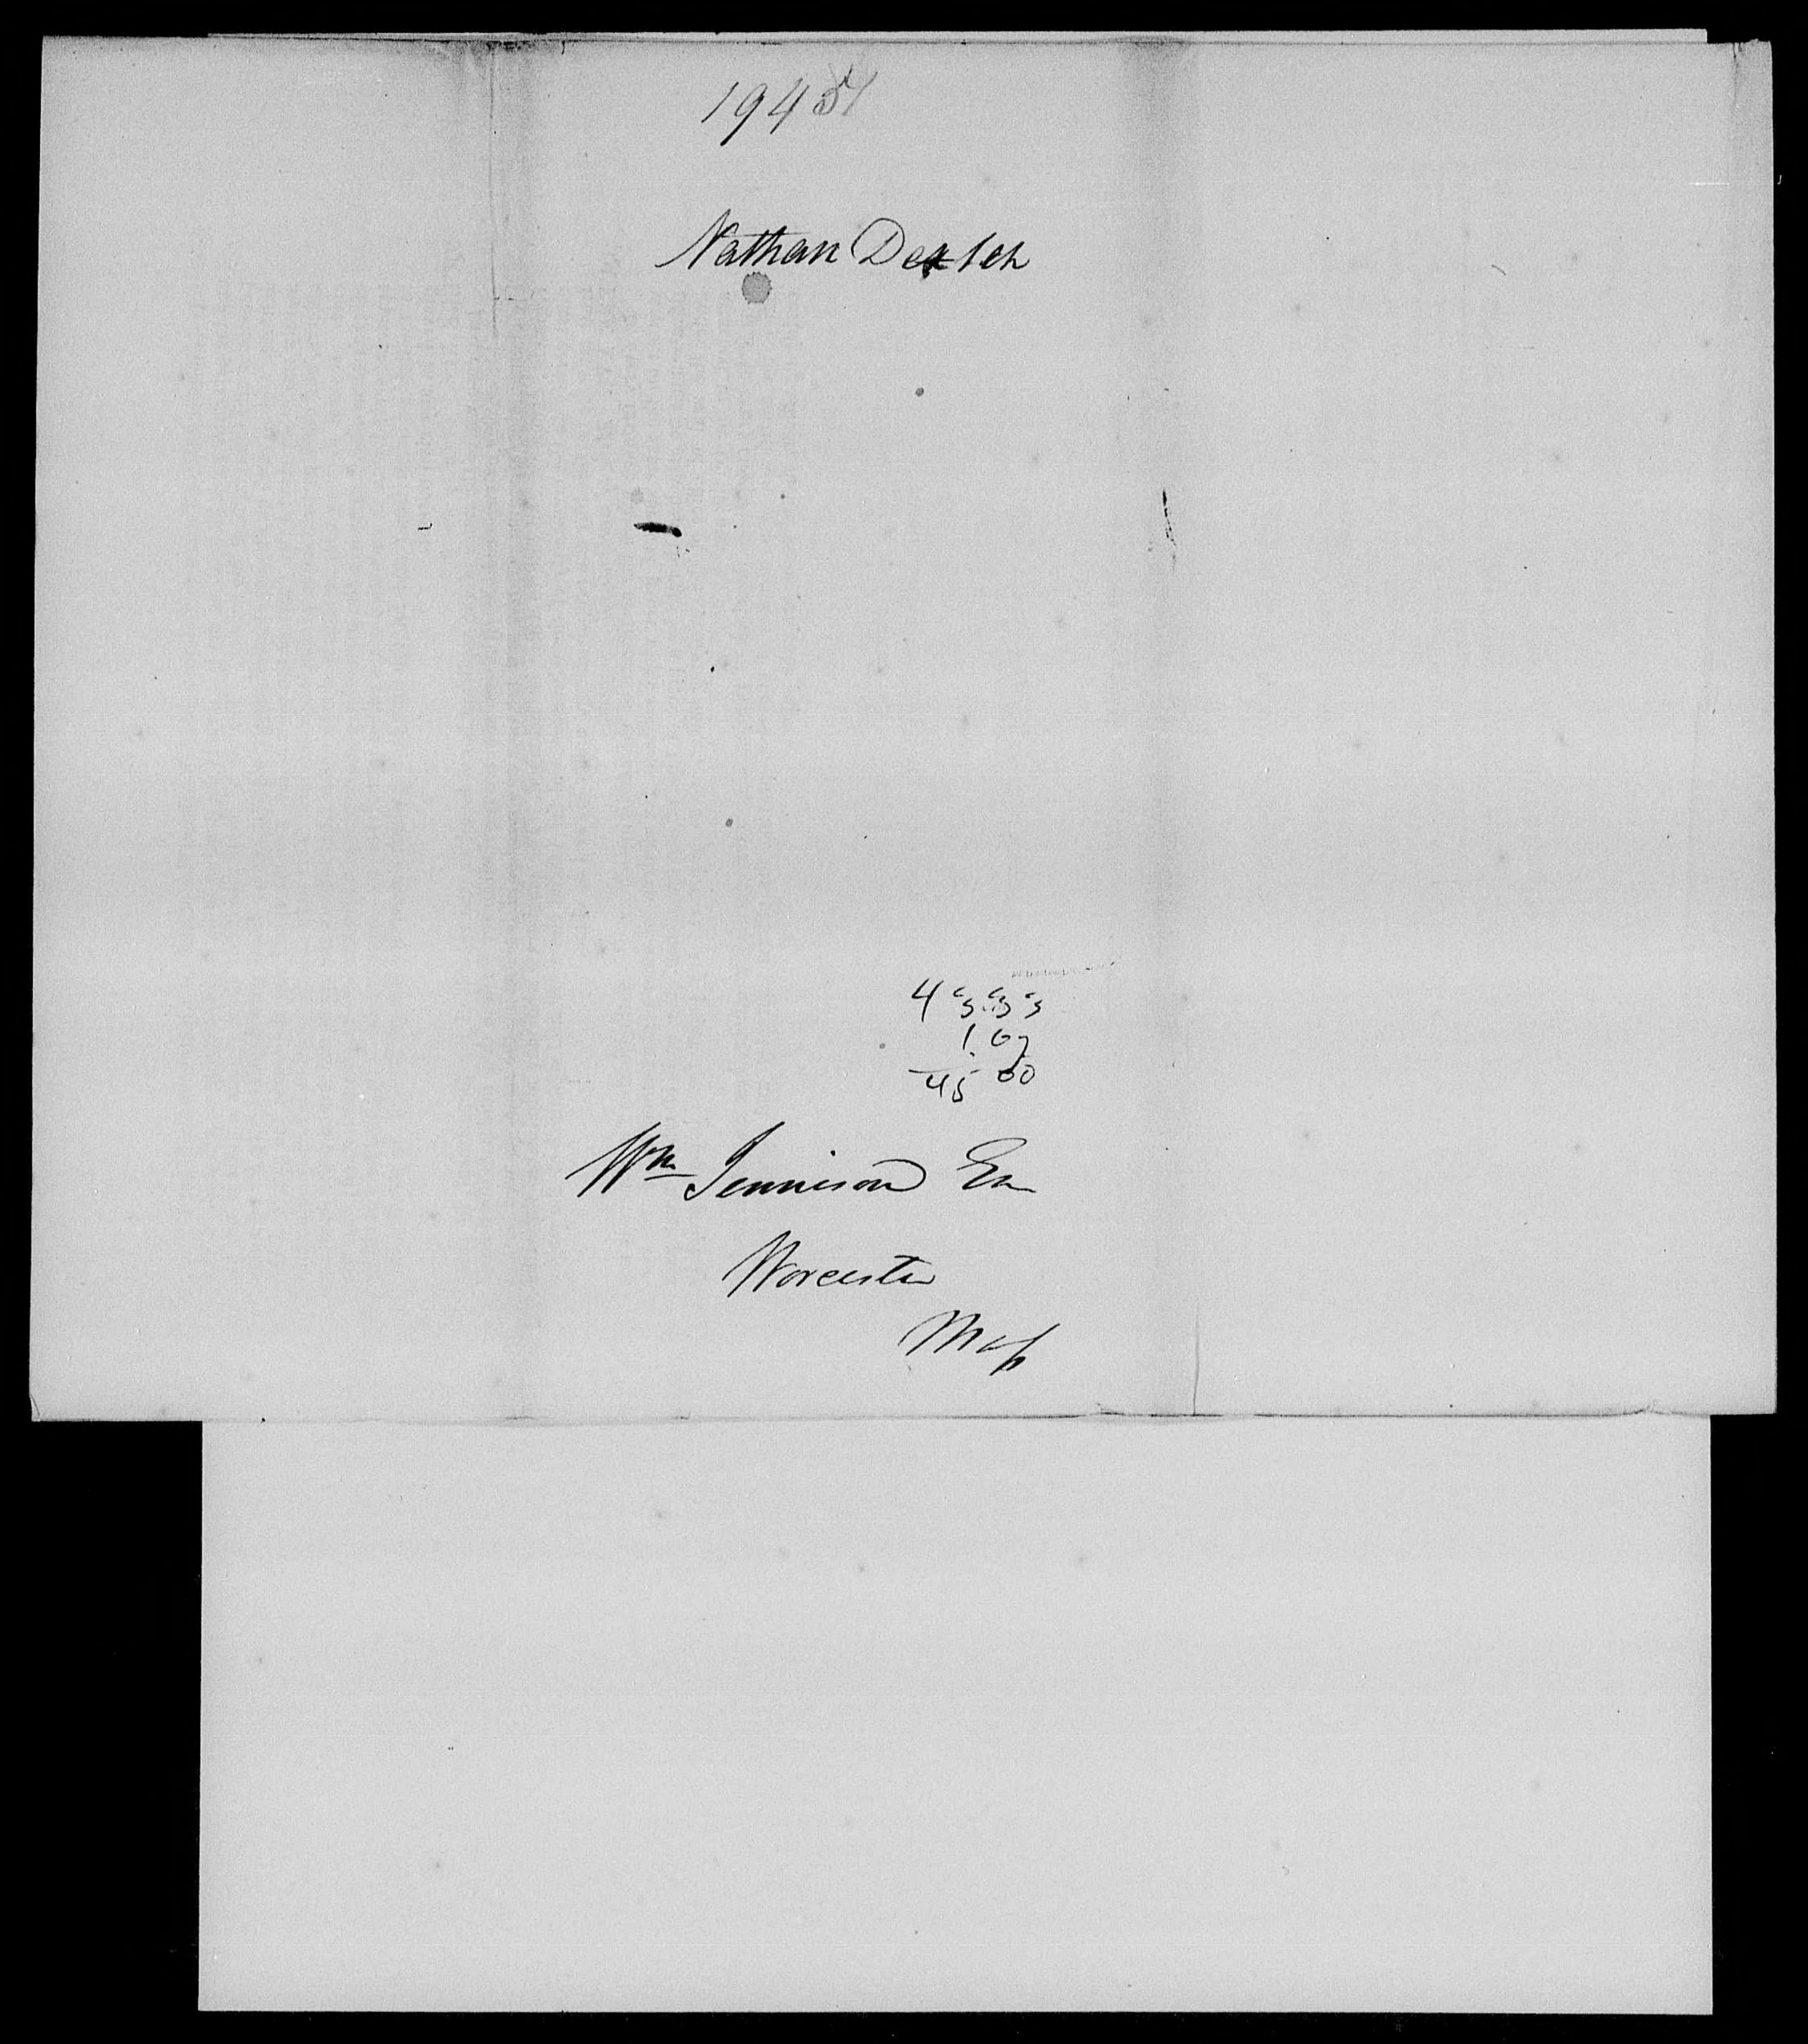19451
Nathan Dexter
43.33
1.07
45.00
Wm Jennison Esq
Worcester 
Mass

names: Nathan Dexter, Wm Jennison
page: 11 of 35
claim: survivor's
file: S. 18374, Nathan Dexter, R.I.